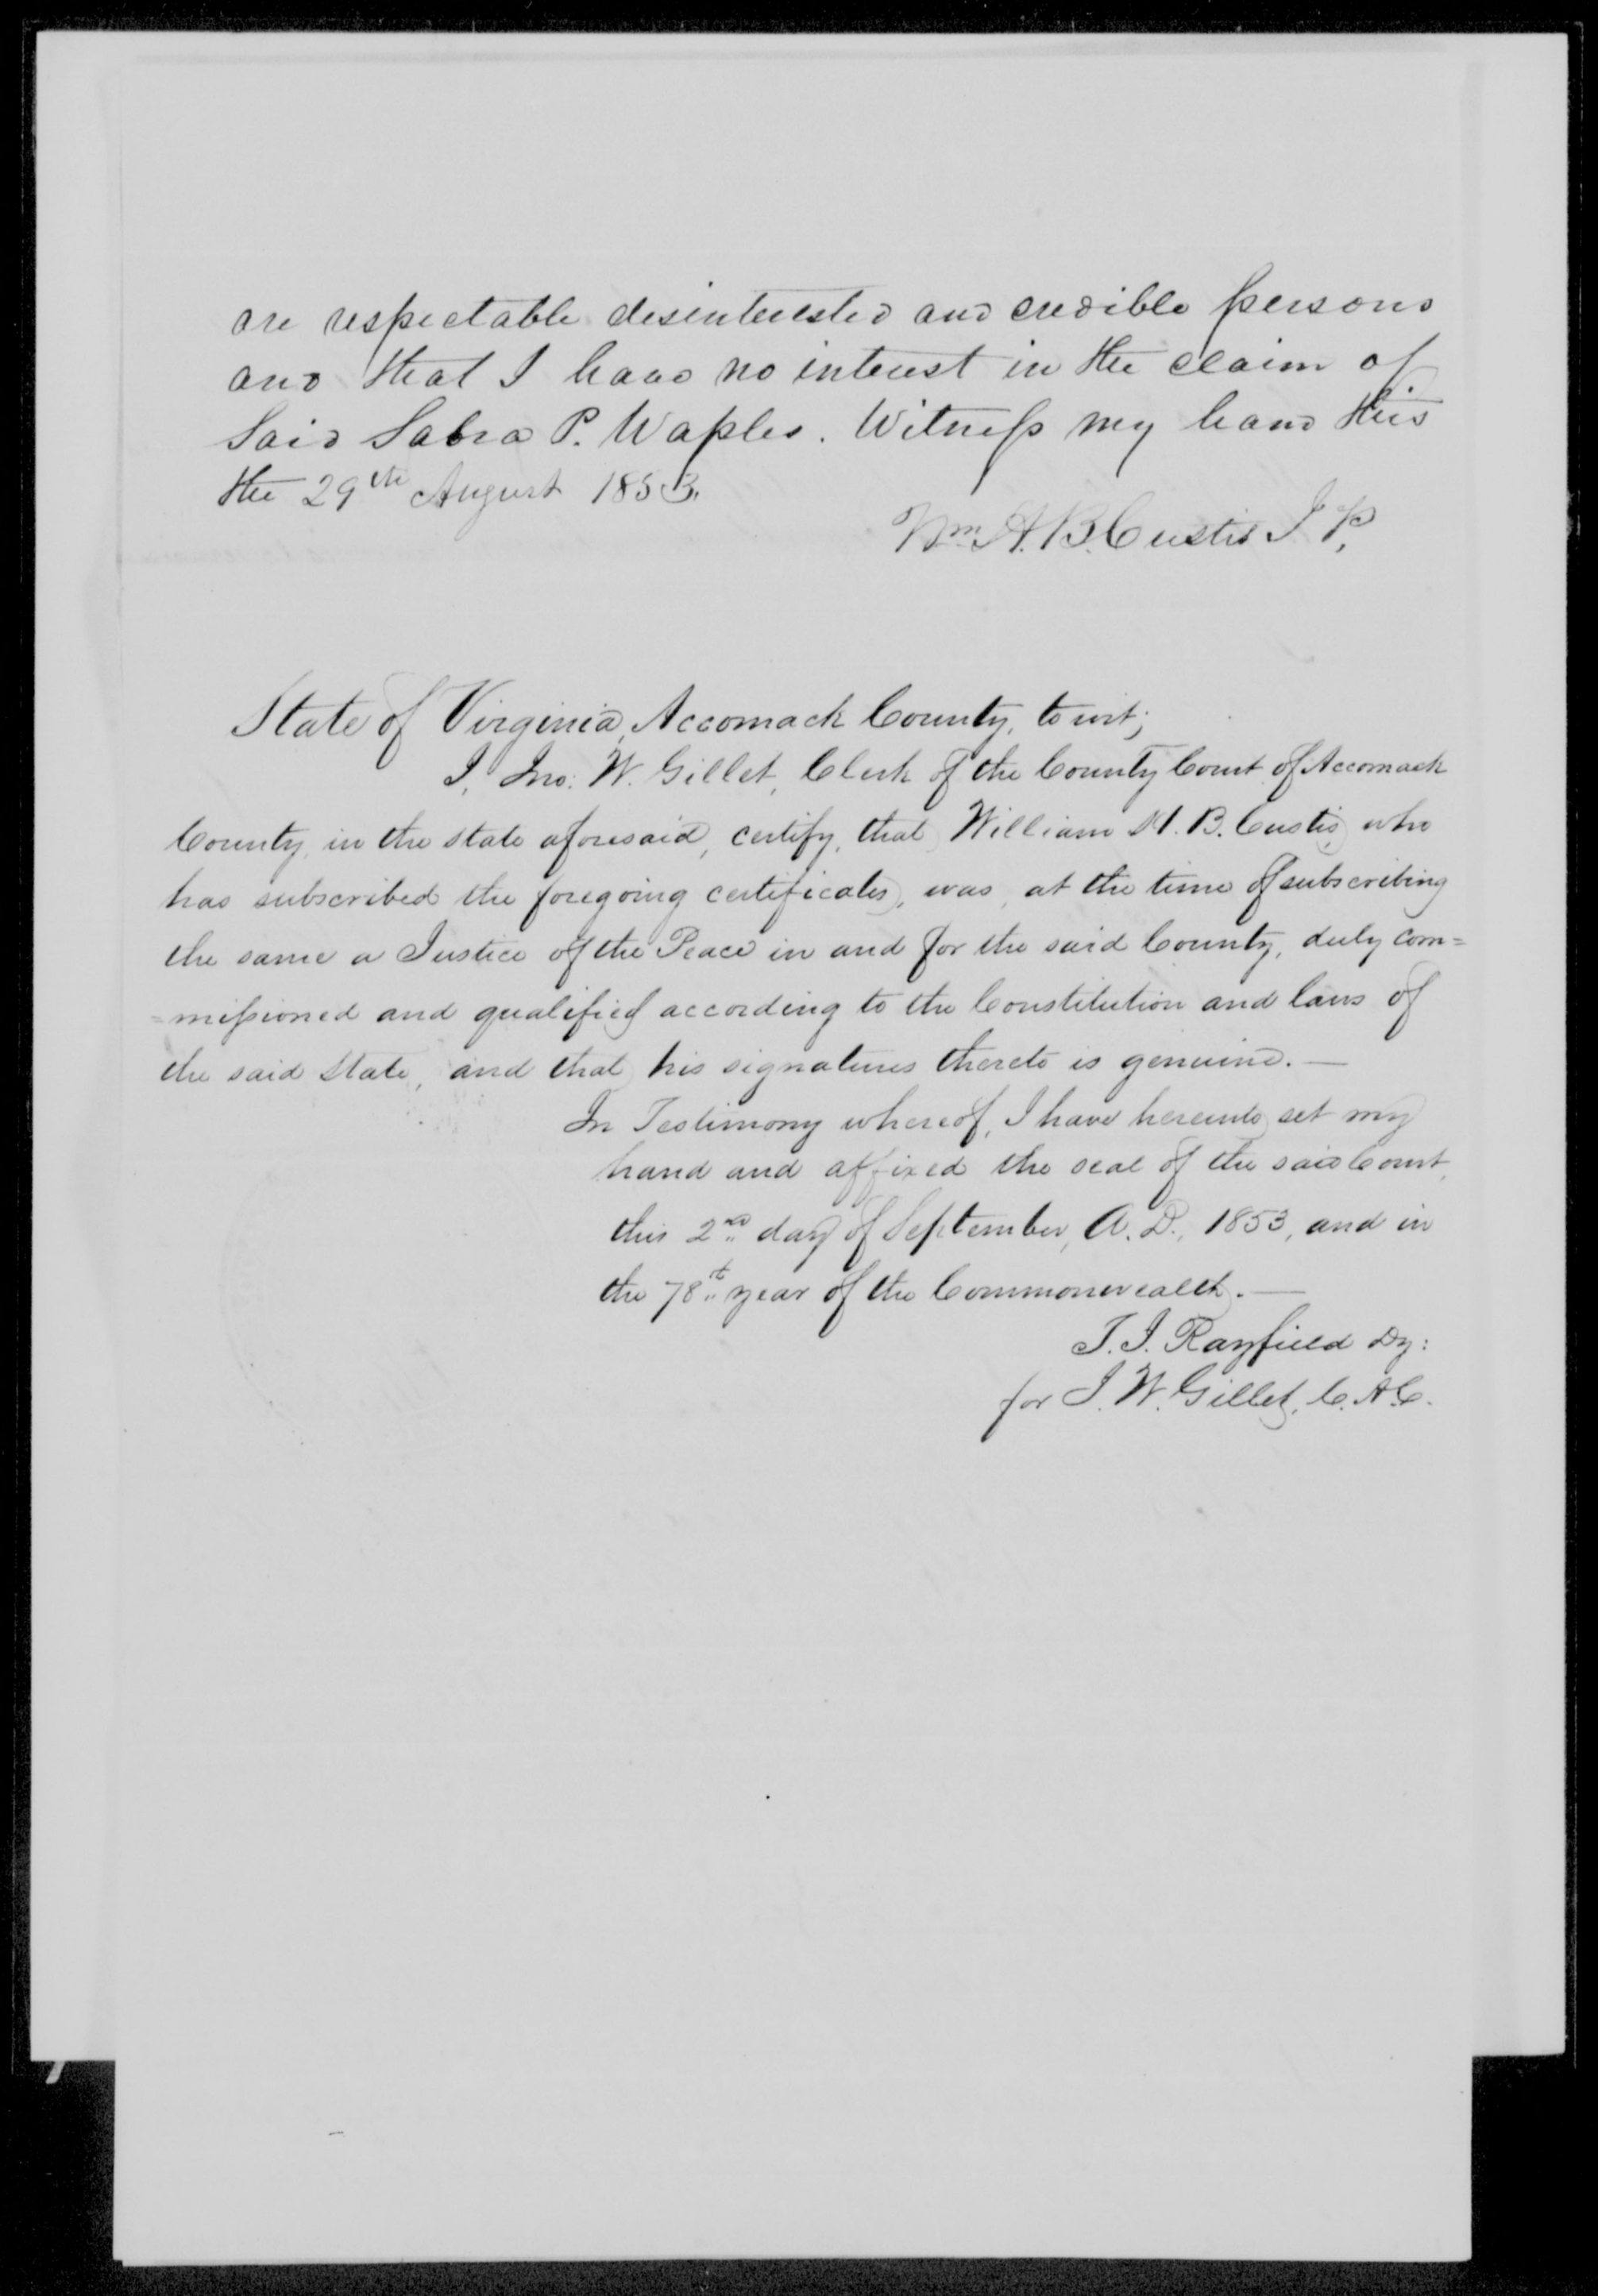are respectable disinterested and credible persons and that I have no interest in the claim of said Sabra P. Waples. Witness my hand this the 29th August 1853.
Wm H. B. Custis J P

State of Virginia, Accomack County, to wit;
I, Jno. W. Gillet, Clerk of the County Court of Accomack County in the State aforesaid, certify that William H. B. Custis who has subscribed the foregoing certificates was at the time of subscribing the same a Justice of the Peace in and for the said County, duly commissioned and qualified according to the Constitution and laws of the said State, and that his signatures thereto is genuine.
In Testimony whereof, I have hereunto set my hand and affixed the seal of the said Court this 2nd day of September, A.D. 1853, and in the 78th year of the Commonwealth.
J. I. Rayfield Dy:
for J.W. Gillet C.A.C.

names: J I Rayfield, Wm H B Custis, William H B Custis, J W Gillet, Sabra P Waples, Jno W Gillet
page: 8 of 59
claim: widow's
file: W. 6427, Samuel Waples, Va.